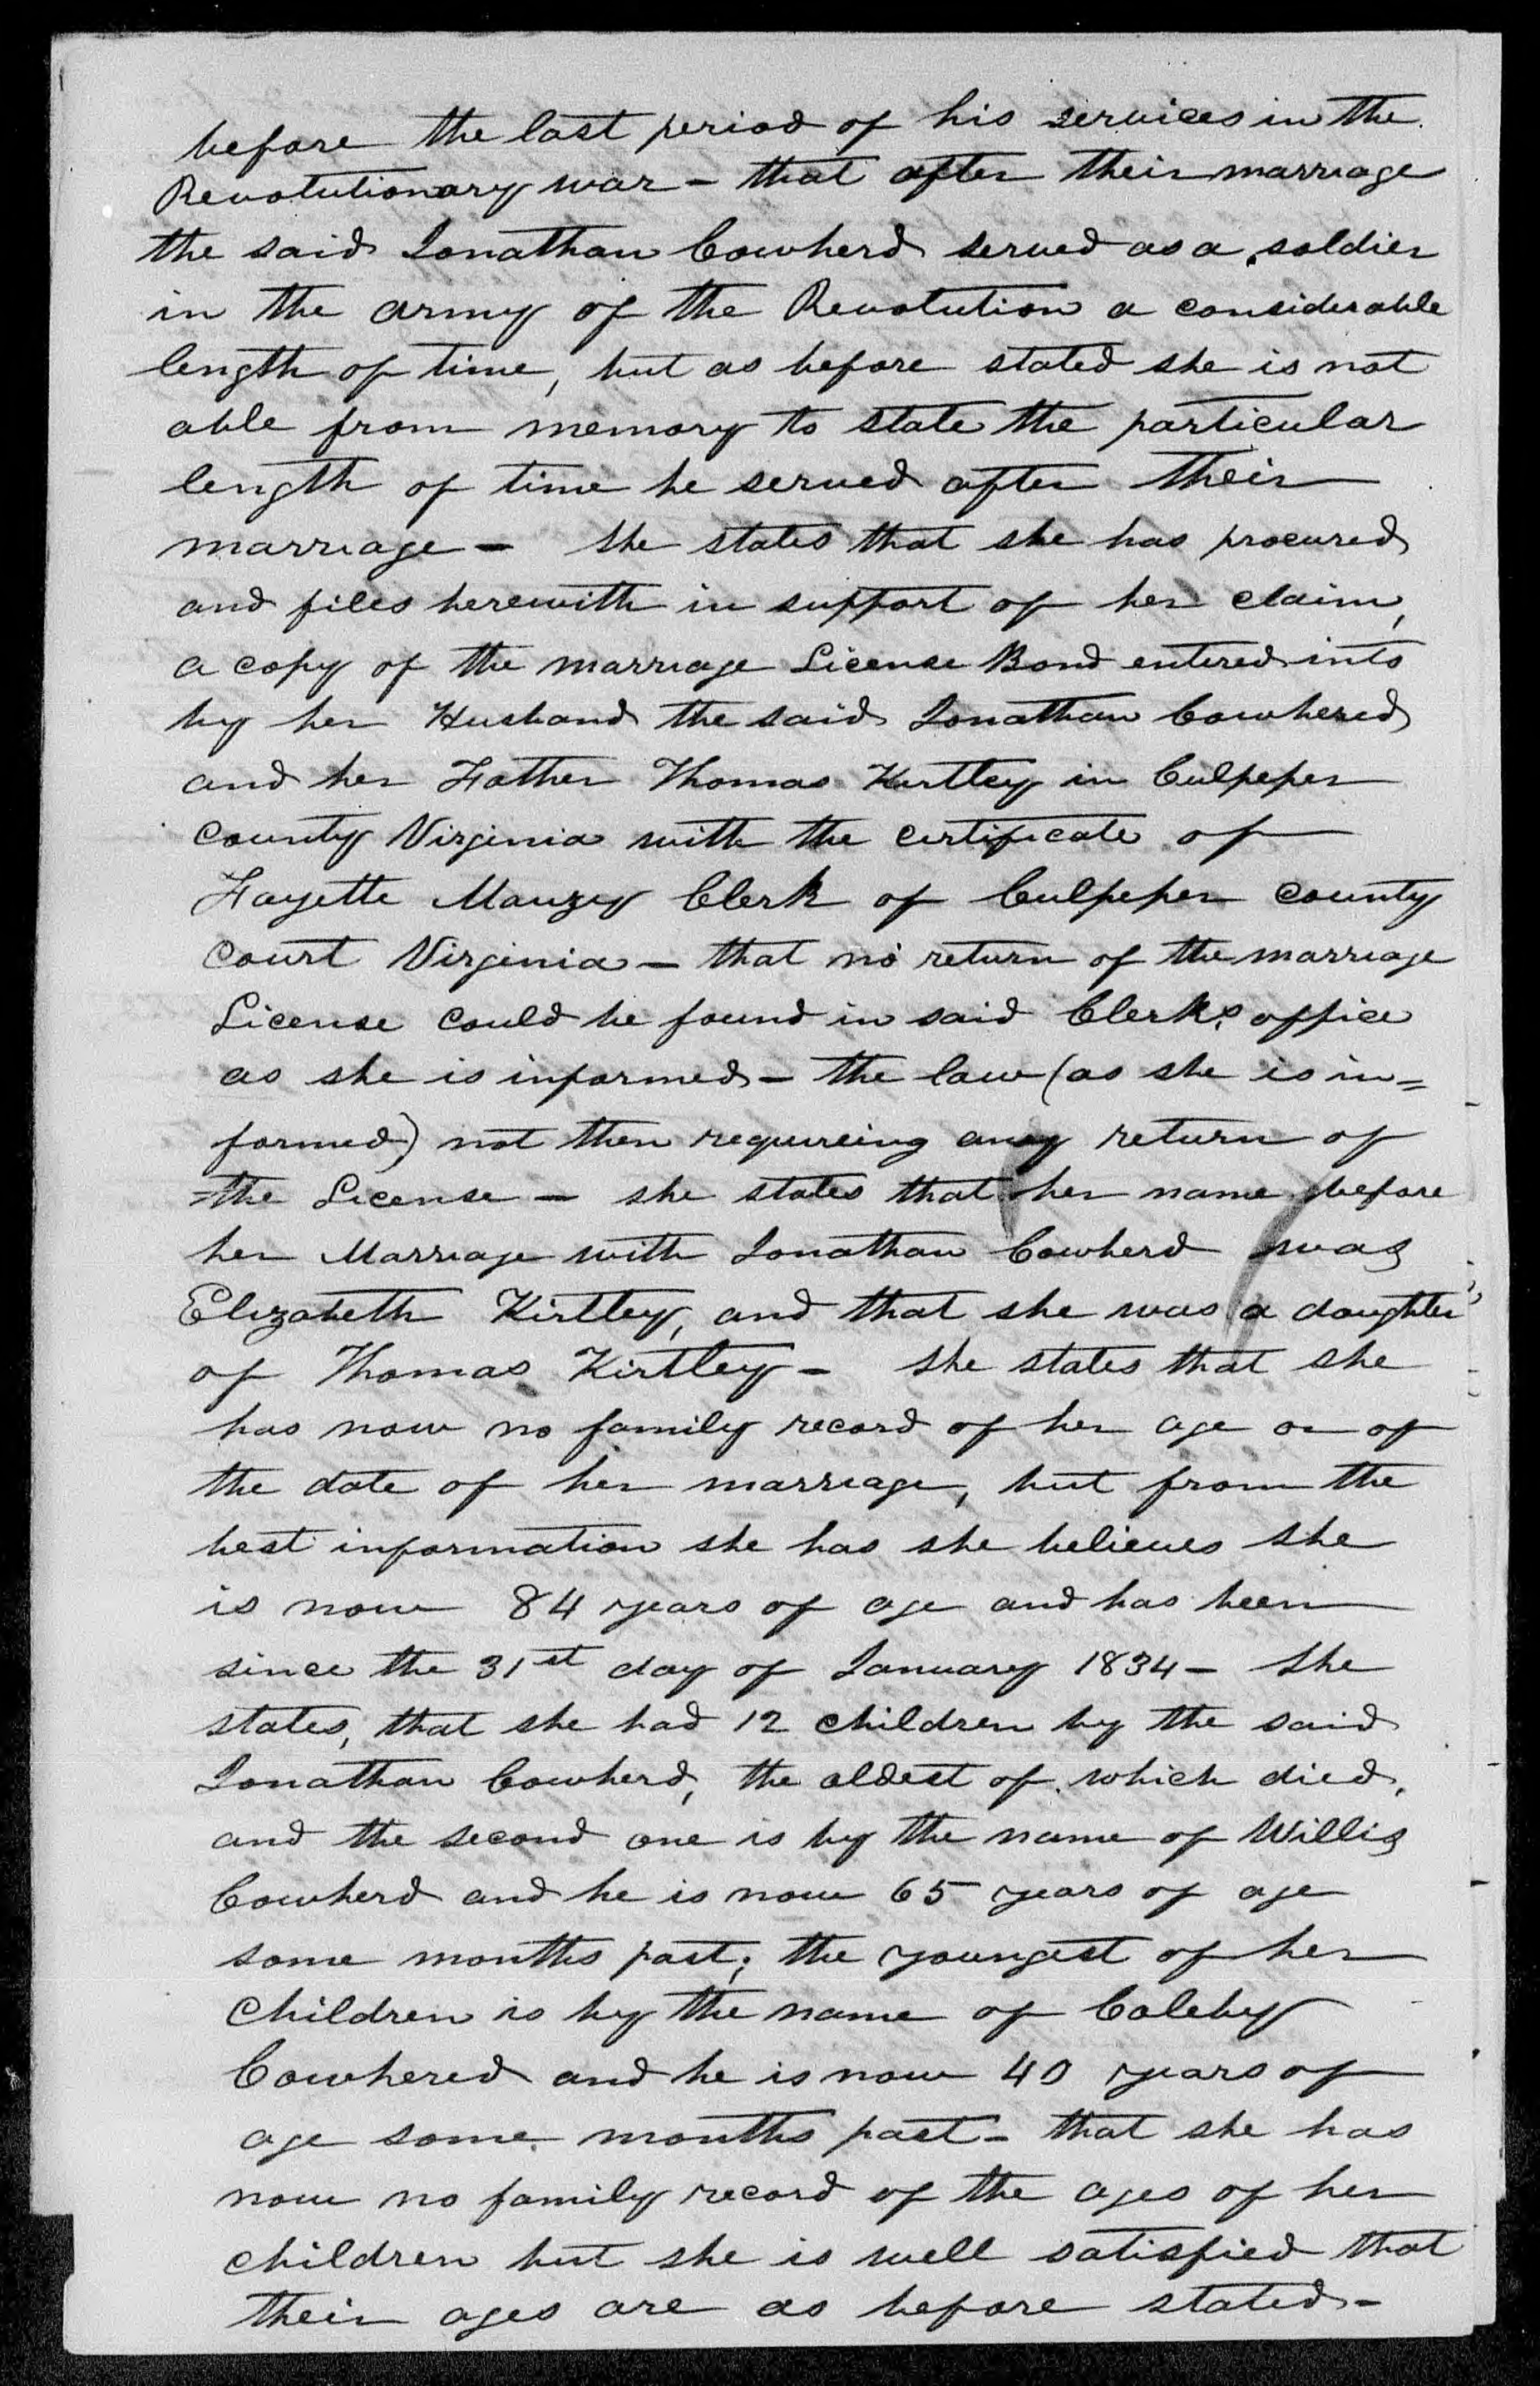before the last period of his services in the
Revolutionary war - that after their marriage the said Jonathan Cowherd served as a soldier in the army of the Revolution a considerable length of time, but as before stated she is not able from memory to state the particular length of time he served after their marriage. She states that she has procured and files herewith in support of her claim a copy of the marriage License Bond entered into by her Husband the said Jonathan Cowherd and her Father Thomas Kirtley in Culpeper County Virginia with the certificate of Fayette Mauzy Clerk of Culpeper County Court Virginia-- that no return of the marriage License could be found in said Clerks office as she is informed, the law (as she is informed) not then requiring any return of the License. she states that her name before her marriage with Jonathan Cowherd was Elizabeth Kirtley, and that she was a daughter of Thomas Kirtley- she states that she has now no family record of her age or of the date of her marriage, but from the best information she has she believes the is now 84 years of age and has been since the 31st day of January 1834 - she States, that she had 12 children by the said Jonathan Cowherd the oldest of which died and the second one is by the name of Willis Cowherd and he is now 65 years of age some months past; the youngest of her children is by the name of Coleby Cowherd and he is now 40 years of age some months past - that she has now no family record of the ages of her children but she is well satisfied that their ages are as before stated-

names: Thomas Kirtley, Jonathan Cowherd, Fayette Manzy, Willis Cowherd, Elizabeth Kirtley, Coleby Cowherd, Jonathan Cowherd, Jonathan Cowherd, Jonathan Cowherd, Thomas Kirtley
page: 10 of 46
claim: widow's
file: W 8619, Jonathan Cowherd, Va.